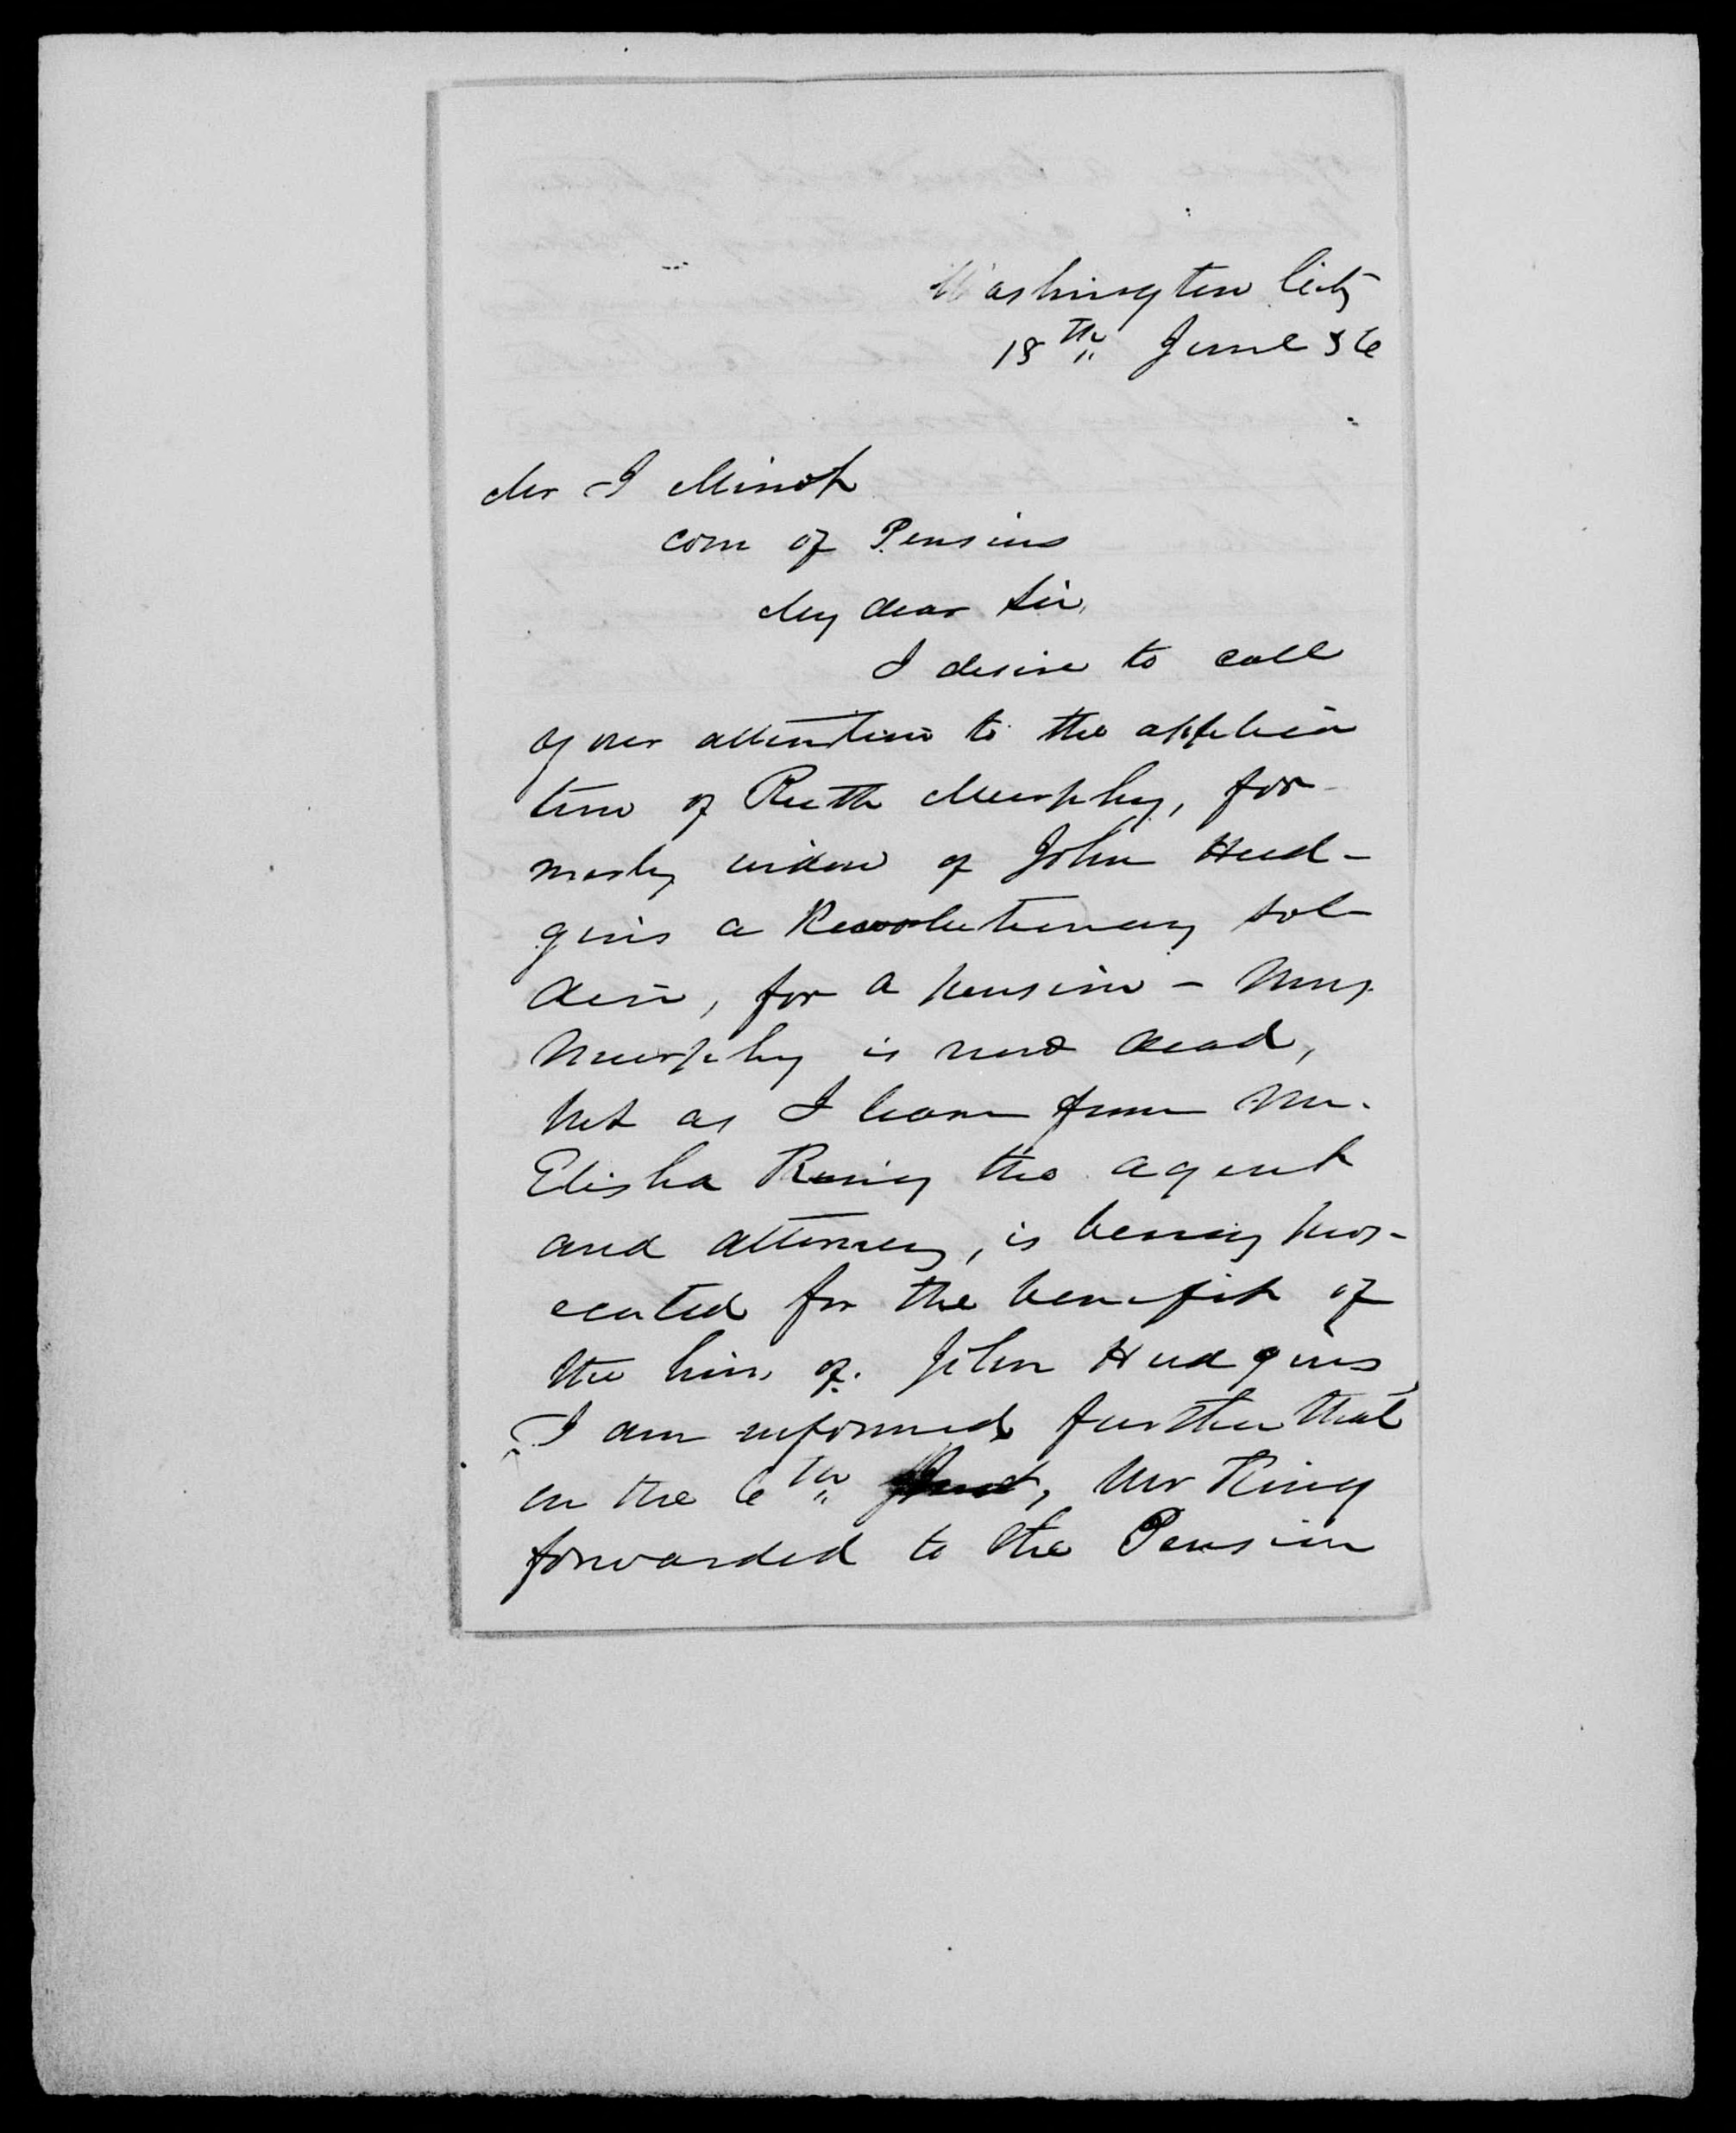Washington D.C.
18th June 56

Hon J. Minot
Com of Pensions
My Dear Sir,
I desire to call on your attention to the application of Ruth Murphy, for (not legible) widow of John Hudgins a Revolutionary soldier, for a pension - Mrs Murphy is now dead, she as I heard from Mr. Elisha Runing his agent and attorney, is being educated for the benefit of (not legible) him of, John Hudgins. I am informed further that on the 6th August, Mr. Ring forwarded to the Pension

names: J Minot, Ruth Murphy, Elisha King, John Hudgins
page: 22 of 108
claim: rejected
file: R. 7,515, John Hudgins, N.C.